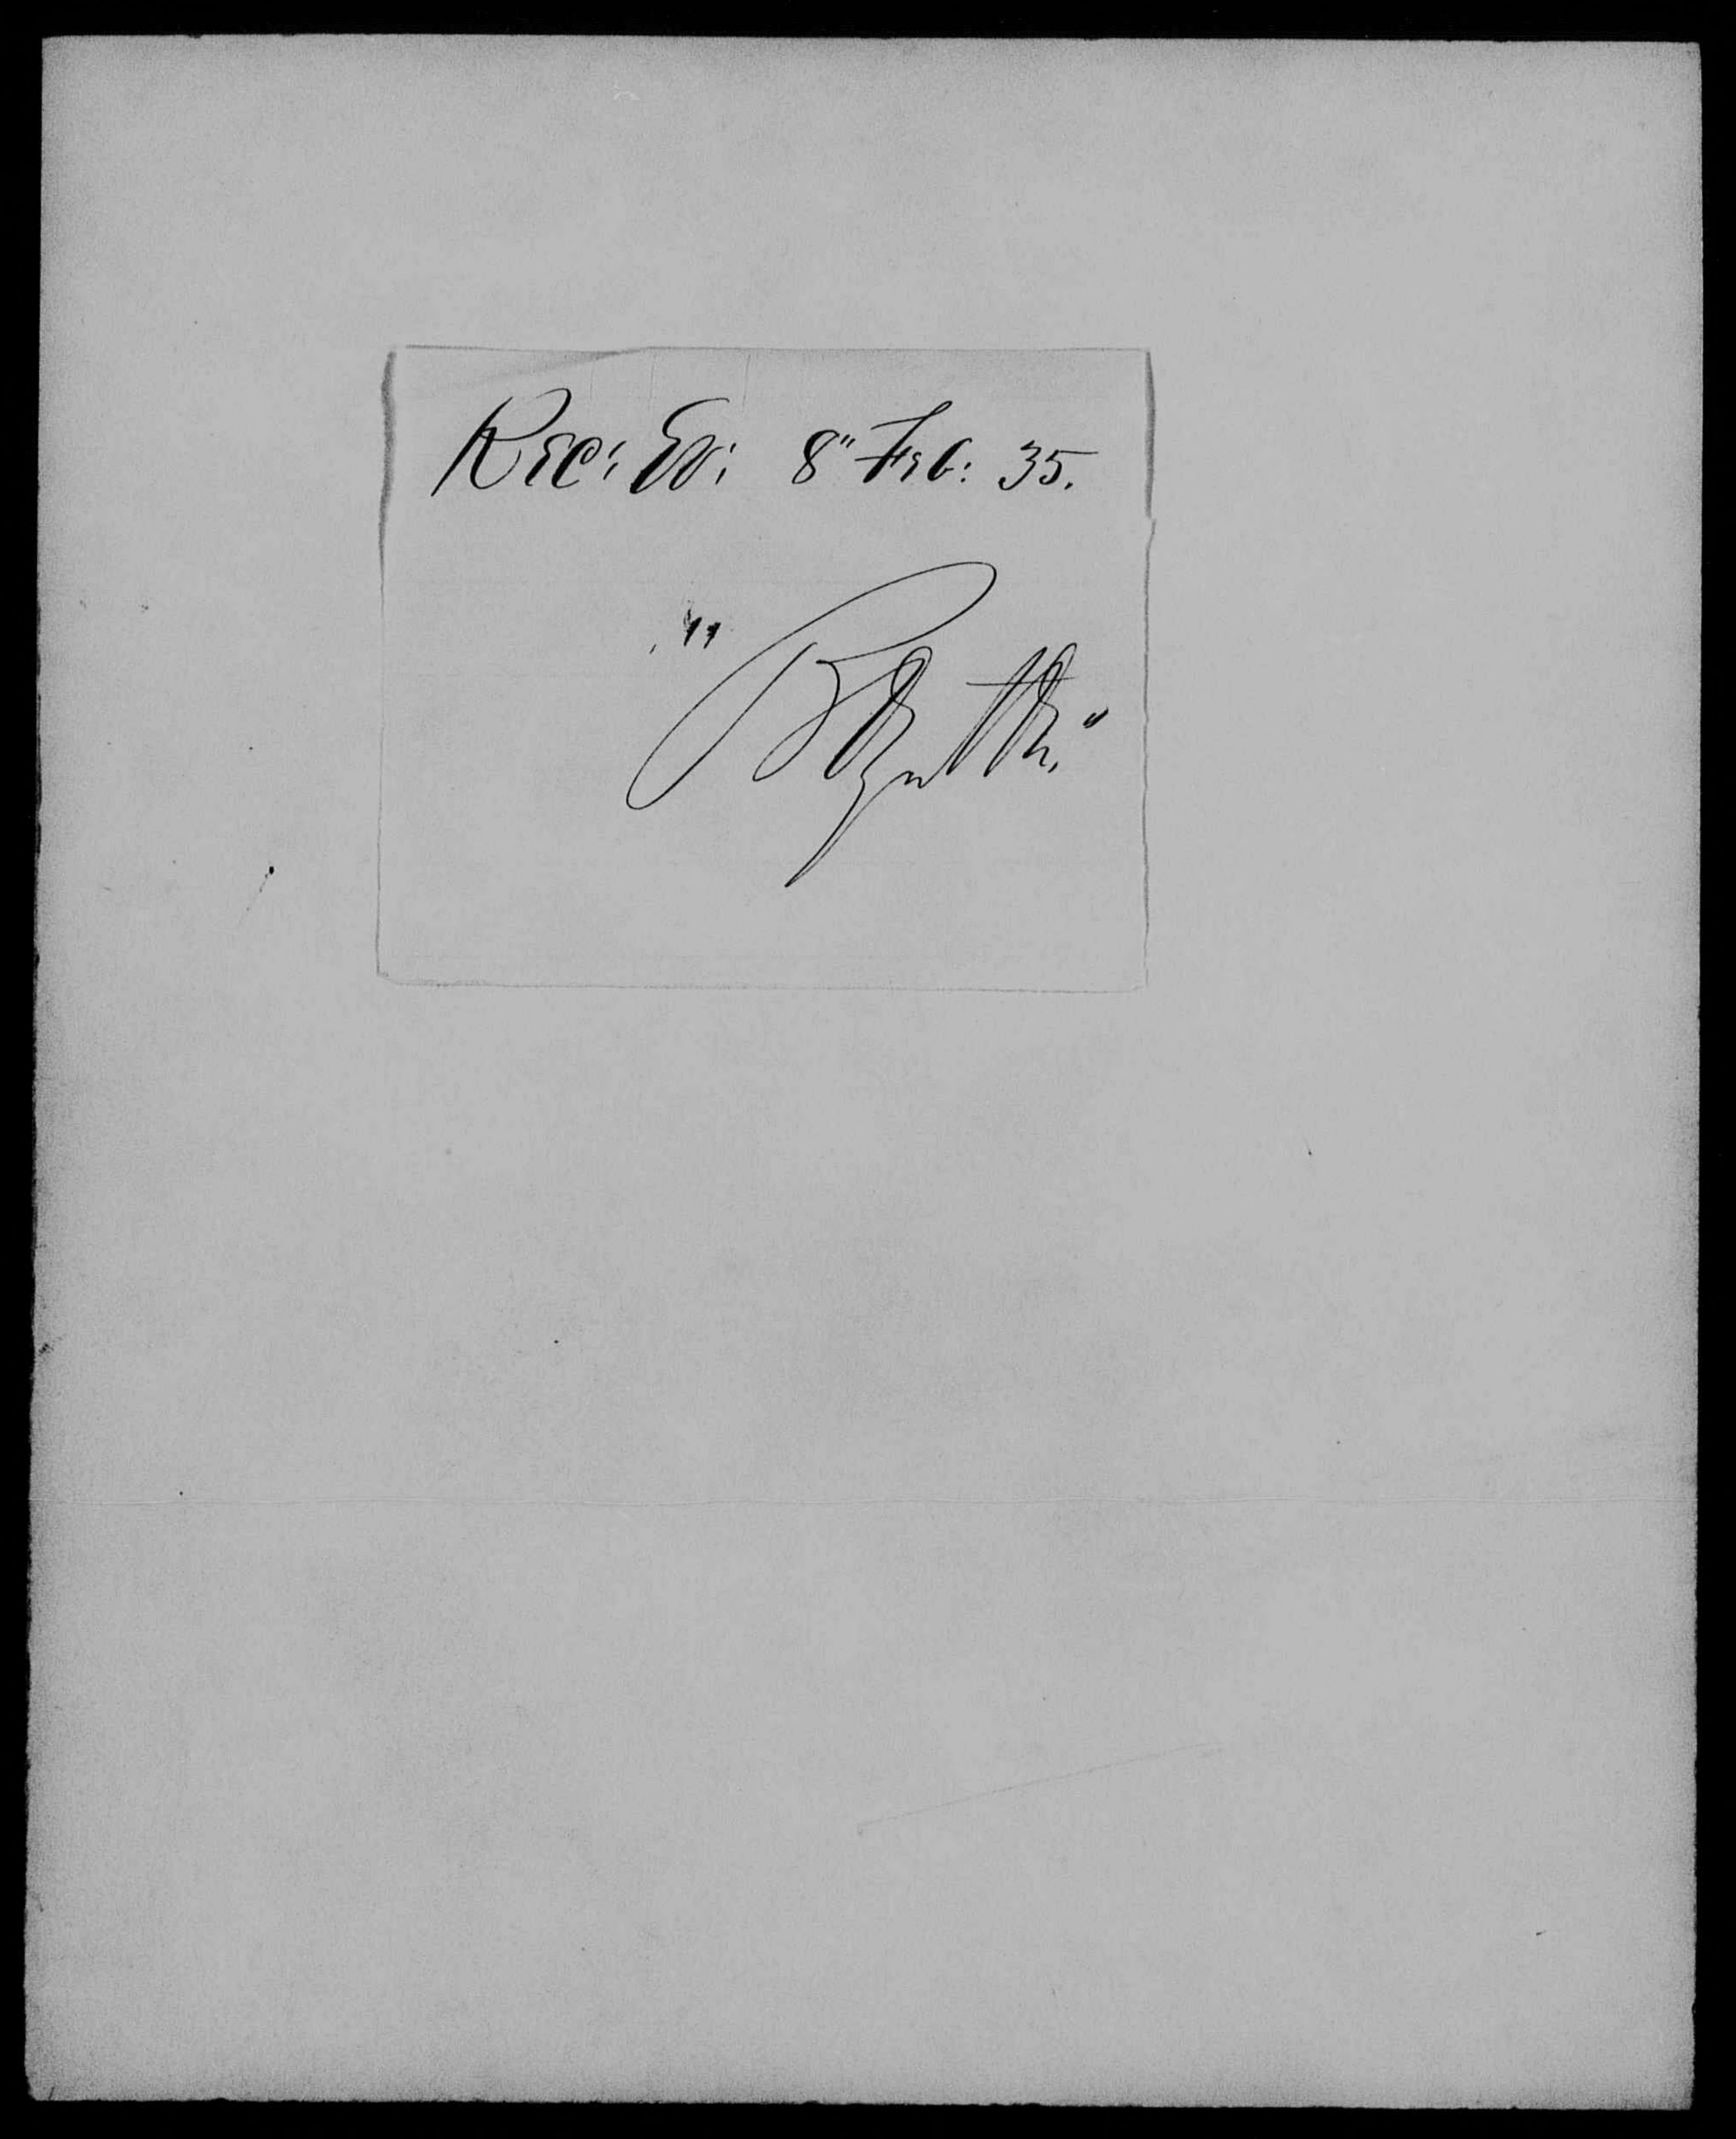Rec: Ev: 8" Feb. 35,
"Boynton"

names: Boynton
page: 17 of 84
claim: widow's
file: W. 7744, Daniel Hickey, Penn.